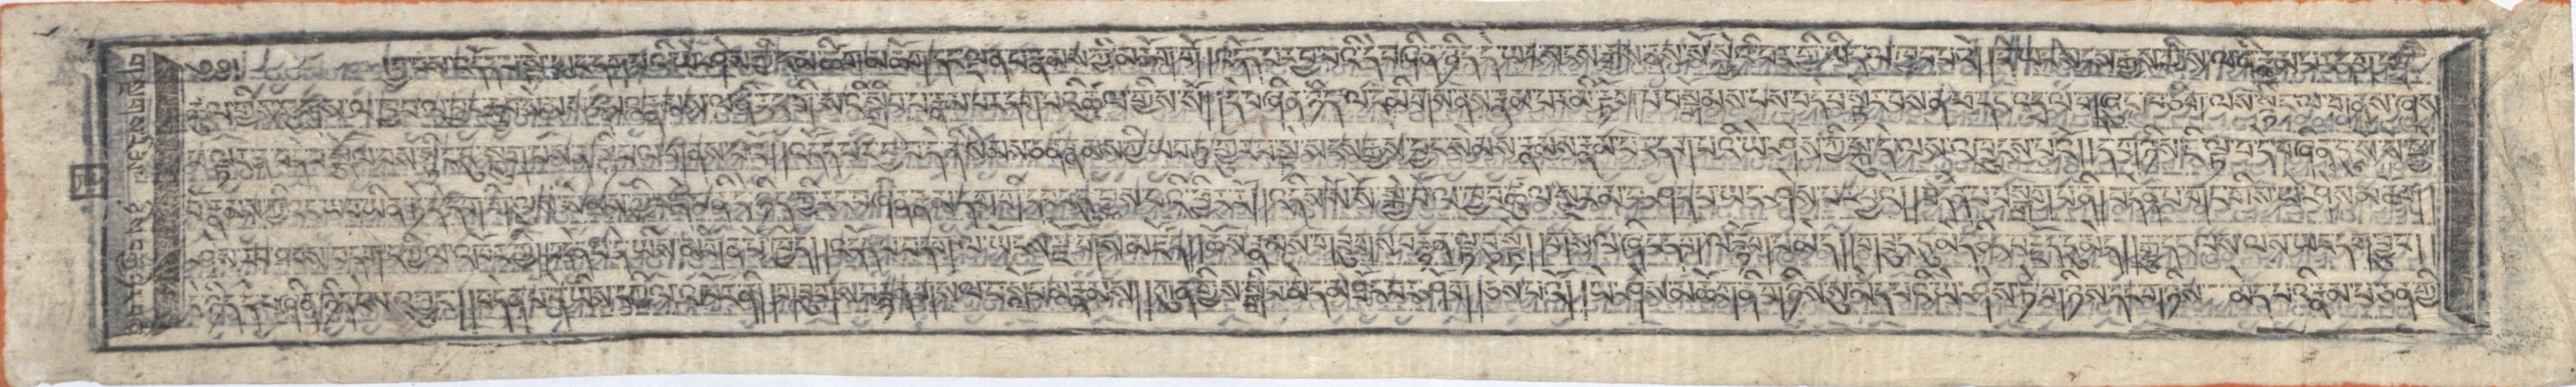༄༅། །བྱ་བས་འདོད་པ་སྟེ་ཡང་དག་པའི་ཡེ་ཤེས་ཀྱི་དམ་ཚིག་མཆོག་དང་ལྡན་པ་རྣམས་ཀྱི་མཆོག་གོ །འདོད་པར་བྱ་བའི་དེ་བཞིན་ཉིད་དེ་ཡང་སངས་རྒྱས་ནས་སོ་སྐྱེའི་བར་གྱི་ཡིད་ལ་ཁྱབ་པའོ། །དེ་ཡང་སངས་རྒྱས་ཀྱི་ས་ལ་ནི་རྣམ་པར་དག་པའི་
ཚུལ་གྱིས་ཐུགས་ལ་ཁྱབ་ལ་བྱང་ཆུབ་སེམས་དཔའ་རྣམས་ལ་ནི་རང་གི་སའི་སྒྲིབ་པ་རྣམ་པར་དག་པའི་ཚུལ་གྱིས་སོ། །དེ་བཞིན་ཉིད་ལ་དམིགས་ནས་རྣམ་པར་མི་རྟོག་པ་བསྒོམས་པས་བདེ་བ་སྟེར་བས་ན་ཕ་དང་འདྲ་ལ་གཞུང་ཁ་ཅིག་ལས་སྙིང་ལ་གནས་ཞེས་
པ་ལྟར་ན་བདེ་བ་སྩོལ་བས་སྙིང་དུ་སྡུག་པས་ན་སྙིང་ལ་གནས་པའོ། །འདོད་པར་བྱ་བ་དེ་ནི་སེམས་ཅན་རྣམས་ཀྱི་ཡབ་ཏུ་གྱུར་པ་སྟེ་སངས་རྒྱས་བྱང་སེམས་རྣམས་རྣམ་པར་དག་པའི་ཡེ་ཤེས་ཀྱི་སྐུ་དེ་ལས་འཁྲུངས་པའོ། །དེ་གཉིས་ཇི་ལྟ་བ་དེ་བཞིན་དུ་སོ་སོ་སྐྱེ་
བོ་རྣམས་ཀྱིའང་ཡབ་ཡིན་ཏེ་དེ་དག་གི་ལུས་སེམས་ཀྱི་བདེ་བ་ནི་དེ་ཉིད་ཀྱི་རང་བཞིན་རྣམ་དག་གི་དབང་དུ་བྱས་པའི་ཕྱིར་རོ། །འདིས་སོ་སོ་སྐྱེ་བོ་ལ་ཁྱབ་ཚུལ་སྔར་མ་བཤད་པ་ཡང་ཤེས་པར་བྱའོ། །བདེན་པ་བསྒྲག་པ་ནི། བདེན་པ་གང་གིས་ཡེ་ཤེས་མཆོག །
ཤེས་རབ་ཐབས་བདག་དཀྱིལ་འཁོར་གྱི། །བདེན་པ་དེ་ཡིས་མགོན་པོ་ཁྱོད། །འདོད་པ་བདག་ལ་ཡོངས་རྫོགས་མཛོད། །ཆོས་རྣམས་གཟུགས་བརྙན་ལྟ་བུ་སྟེ། །གསལ་ཞིང་དག་ལ་རྙོག་པ་མེད། །གཟུང་དུ་མེད་ཅིང་བརྗོད་དུ་མེད། །རྒྱུ་དང་ལས་ལས་ཡང་དག་བྱུང་། །
དེ་ཉིད་དེ་བཞིན་ཉིད་ངེས་འབྱུང་། །བདེན་པ་དེ་ཡིས་དཀྱིལ་འཁོར་ནི། །གཟུགས་བརྙན་གསལ་བ་སློབ་མ་རྣམས། །ཀུན་གྱིས་སྒྲིབ་མེད་མཐོང་བར་ཤོག །ཅེས་པའོ། །ཡེ་ཤེས་མཆོག་ནི་གཉིས་སུ་མེད་པའི་ཡེ་ཤེས་ཏེ་གཉིས་དང་གཉིས་མེད་པའི་རྣམ་པ་ཅན་གྱི་